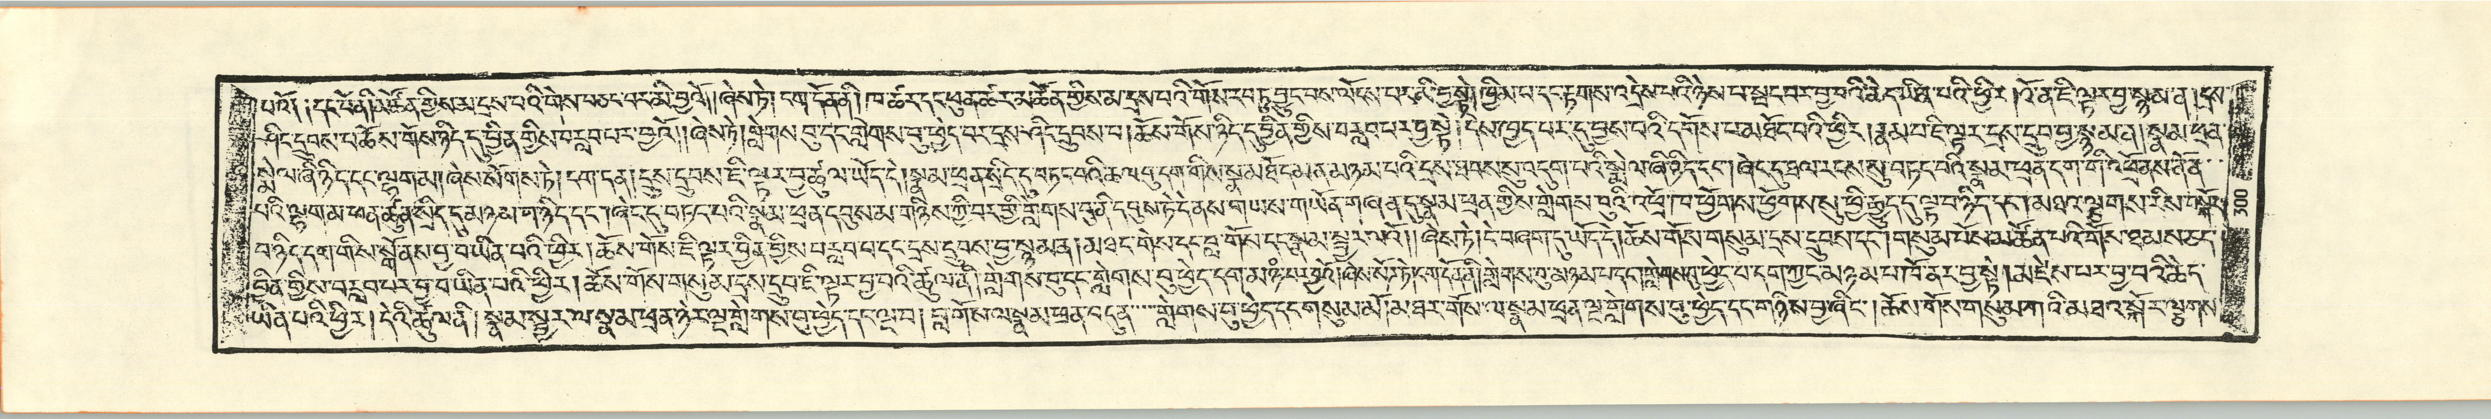པའོ༑ ༑དང་པོ་ནི། མཚོན་གྱིས་མ་དྲས་པའི་གེས་བཅང་བར་མི་བྱའོ། །ཞེས་ཏེ། ངག་དོན་ནི། ཁ་ཚར་དང་ཕུན་ཚར་མཚོན་གྱིས་མ་དྲས་པའི་གོས་རབ་ཏུ་བྱུང་བས་ལོངས་པར་མི་བྱ་སྟེ། ཁྱིམ་པ་དང་རྟགས་འདྲེས་པའི་ཉེས་པ་སྤང་བར་བྱ་བའི་ཆེད་ཡིན་པའི་ཕྱིར། འོ་ན་ཇི་ལྟར་བྱ་སྙམ་ན། དྲས་
ཤིང་དྲུབས་པ་ཆོས་གོས་ཉིད་དུ་བྱིན་གྱིས་བརླབ་པར་བྱའོ། །ཞེས་ཏེ། གླེགས་བུ་དང་གླེགས་བུ་ཕྱེད་པར་དྲས་ཤིང་དྲུབས་པ། ཆོས་གོས་ཉིད་དུ་བྱིན་གྱིས་བརླབ་པར་བྱ་སྟེ། དེས་ཁྱད་པར་དུ་བྱས་པའི་དགོས་པ་མཐོང་བའི་ཕྱིར། རྣམ་པ་ཇི་ལྟར་དྲས་དྲུབ་བྱ་སྙམ་ན། སྣམ་ཕྲན་
སྨེལ་ཞི་ཉིད་དང་ལྷག་མ། ཞེས་སོགས་ཏེ། ངག་དན། དྲུས་དྲུབས་ཇི་ལྟར་བྱ་ཚུལ་ཡོད་དེ། སྣམ་ཕྲན་སྲིད་དུ་བཏང་བའི་ཆལ་བུ་དག་གིས་སྣ་མཐོ་དམན་མཉམ་པའི་དྲས་ཐབས་སུ་འདུག་པའི་སྨེལ་ཞི་ཉིད་དང་། ཞེང་དུ་ཐལ་རངས་སུ་བཏང་བའི་སྣམ་ཕྲན་དག་གི་འཕྲོ་ནས་ནོན་
པའི་ལྷག་མ་ཕན་ཚུན་སྲིད་དུ་མཉམ་གཉིད་དང་། ཞེང་དུ་བཏང་བའི་སྣམ་ཕྲན་དབུས་མ་གཉིས་ཀྱི་བར་གྱི་གླེགས་བུ་ནི་དབུས་ཏེ་དེ་ནས་གཡས་གཡོན་གཞན་དུ་སྣམ་ཕྲན་གྱིས་གླེགས་བུའི་འཕྲོ་ཁ་ཕྱོགས་ཕྱོགས་སུ་ཕྱི་རྒྱུད་དུ་ལྟ་བ་ཉིད་དང་། མཐའ་ལྕགས་རིས་བསྐོར་
བ་ཉིད་དག་གིས་སྒོ་ནས་བྱ་བ་ཡིན་པའི་ཕྱིར། ཆོས་གོས་ཇི་ལྟར་བྱིན་གྱིས་བརླབ་པ་དང་དྲས་དྲུབས་བྱ་སྙམ་ན། མཐང་གེས་དང་བླ་གོས་དང་སྣམ་སྦྱར་ལའོ། །ཞེས་ཏེ། དེ་བཞག་དུ་ཡོད་དེ། ཆོས་གོས་གསུམ་དྲས་དྲུབས་དང་། གསུམ་པོས་མཚོན་པའི་གོས་ཐམས་ཅད་
བྱིན་གྱིས་བརླབ་པར་བྱ་བ་ཡིན་པའི་ཕྱིར། ཆོས་གོས་གསུམ་དྲས་དྲུབ་ཇི་ལྟར་བྱ་བའི་ཚུལ་ནི། གླེགས་བུ་དང་གླེགས་བུ་ཕྱེད་དག་མཉམ་པར་བྱའོ། །ཞེས་སོགས་ཏེ། ངག་དོན་ནི། གླེགས་བུ་མཉམ་པ་དང་། གླེགས་བུ་ཕྱེད་པ་དག་ཀྱང་མཉམ་པ་ཁོ་ནར་བྱ་སྟེ། མཛེས་པར་བྱ་བའི་ཆེད་
ཡིན་པའི་ཕྱིར། དེའི་ཚུལ་ནི། སྣམ་སྦྱར་ལ་སྣམ་ཕྲན་ཉེར་ལྔ་གླེགས་བུ་ཕྱེད་དང་ལྔ་བ། བླ་གོས་ལ་སྣམ་ཕྲན་བདུན་གླེགས་བུ་ཕྱེད་དང་གསུམ་མོ། མཐར་གོས་ལ་སྣམ་ཕྲན་ལྔ་གླེགས་བུ་ཕྱེད་དང་གཉིས་བྱ་ཞིང་། ཆོས་གོས་གསུམ་ཀའི་མཐའ་སྐོར་ལྕགས་